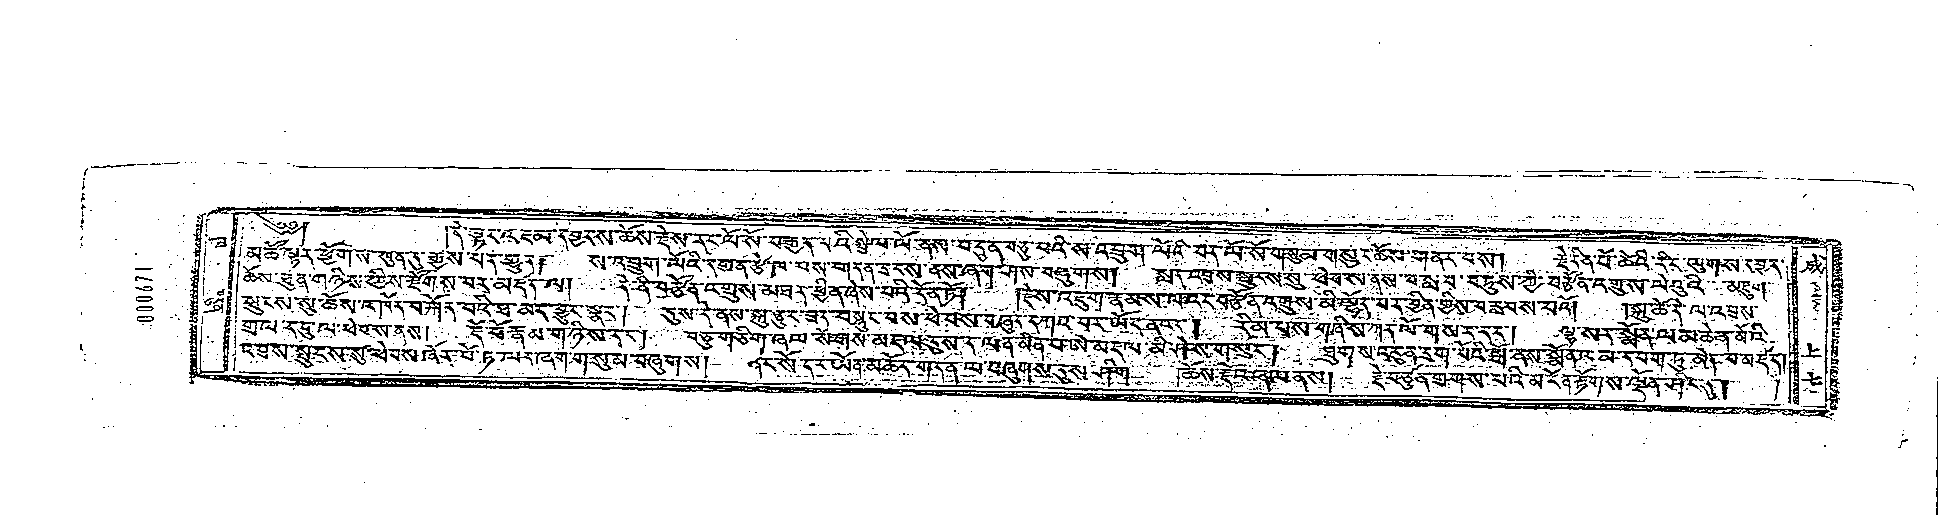༄༅། །དེ་ལྟར་འཇམ་དབྱངས་ཆོས་རྗེས་རང་ལོ་སོ་བརྒྱད་པའི་སྤྲེལ་ལོ་ནས་བདུན་བཅུ་པའི་ས་འབྲུག་ལོའི་བར་ལོ་སོ་གསུམ་གསུང་ཆོས་གནང་བས། རྗེ་རིན་པོ་ཆེའི་རིང་ལུགས་དབྱར་
མཚོ་ལྟར་ཕྱོགས་ཀུན་དུ་རྒྱས་པར་གྱུར། ས་འབྲུག་ལོའི་དགུན་རྩེ་ཁ་པས་གདན་དྲངས་ནས་ཞག་ཤས་བཞུགས། སླར་འབྲས་སྤུངས་སུ་ཕེབས་ནས་བསླབ་བཏུས་ཀྱི་བརྩོན་འགྲུས་ལེའུ་འི་མཐུག་
ཆོས་ཐུན་གཉིས་ཀྱིས་རྫོགས་བར་མཛད་ལ། དེ་ནི་བརྩོན་འགྲུས་མཐར་ཕྱིན་ཞེས་པའི་དོན་ཏོ། །རྗེས་འཇུག་རྣམས་ལའང་བརྩོན་འགྲུས་མི་ལྷོད་པར་བྱིན་གྱིས་བརླབས་པའོ། །སྐུ་ཚེ་དེ་ལ་འབྲས་
སྤུངས་སུ་ཆོས་འཁོར་བསྐོར་བའི་ཐ་མར་བྱུང་སྣང་། དུས་དེ་ནས་སྐུ་ཅུང་ཟད་བསྙུང་བས་ཕེབས་བཞུང་དཀའ་བར་ཡོང་ནའང་། རིམ་པས་གཞིས་ཀར་ལོ་གསར་དང་། ལྷ་སར་སྨོན་ལམ་ཆེན་མོའི་
གྲལ་དབུ་ལ་ཕེབས་ནས། ཇོ་བོ་རྣམ་གཉིས་དང་། བཅུ་གཅིག་ཞལ་སོགས་མཇལ་དུས་ད་ལན་མིན་པ་ཨེ་མཇལ་མི་ཤེས་གསུང་། ཐུགས་འདུན་དྲག་པོའི་སྒོ་ནས་སྨོན་ལམ་དཔག་ཏུ་མེད་པ་མཛད།
འབྲས་སྤུངས་སུ་ཕེབས་ཞོར་པོ་ཏ་ལར་ཞག་གསུམ་བཞུགས། ནང་སོ་དང་ཡོན་མཆོད་གདན་ལ་བཞུགས་དུས་ཤིག །ཆོས་རྗེའི་ཞལ་ནས། རྗེ་བཙུན་གྲགས་པའི་མངོན་རྟོགས་ལྗོན་ཤིང་དུ། །